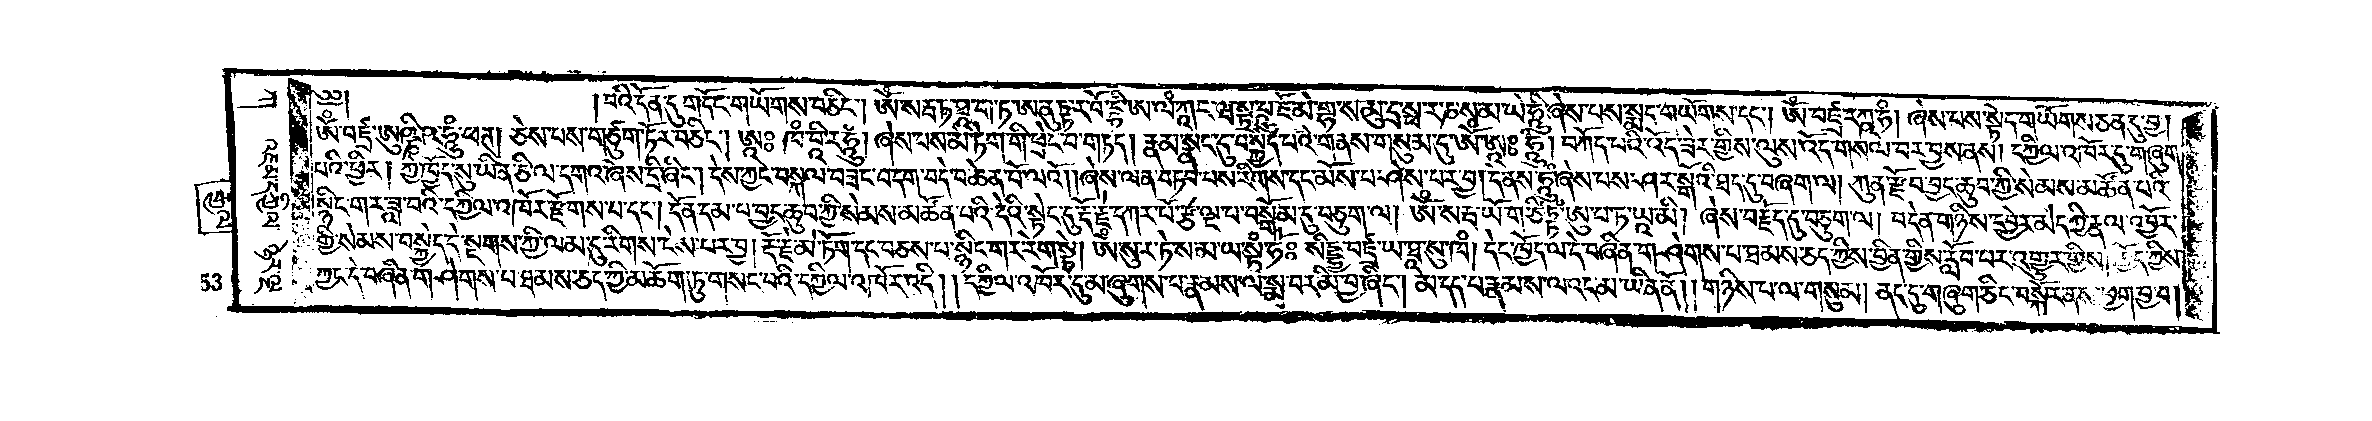༄༅། །པའི་དོན་དུ་གདོང་གཡོགས་བཅིང་། ཨོཾ་སརྦ་ཏ་ཐཱ་ག་ཏ་ཨ་ནུཏྟ་ར་བོ་དྷི་ཨ་ལཾ་ཀཱང་ཝསྟྲ?་པཱུ་ཇོ་མེ་གྷ་ས་མུ་དྲ་སྥ་ར་ཎ་ས་མ་ཡེ་ཧཱུཾ?་ཞེས་པས་སྨད་གཡོགས་དང་། ཨོཾ་བཛྲ་རྐྵ?་ཧཾ། ཞེས་པས་སྟེད་གཡོགས་ཅན་དུ་བྱ།
ཨོཾ་བྫྲ་ཨུཥཎི་ཥ?་ཧཱུཾ་ཕཊ། ཅེས་པས་གཙུག་ཏོར་བཅིང་། ཨཱཿ ཁཾ་བཱི་ར་ཧཱུཾ། ཞེས་པས་མེ་ཏོག་གི་ཕྲེང་བ་གཏད། རྣམ་སྣང་དུ་བསྐྱེད་པའི་གནས་གསུམ་དུ་ཨོཾ་ཨཱཿ ཧཱུཾ། བཀོད་པའི་འོད་ཟེར་གྱིས་ལུས་འོད་གསལ་བར་བྱས་ནས། དཀྱིལ་འཁོར་དུ་གཞུག་
པའི་ཕྱིར། ཀྱེ་ཁྱོད་སུ་ཡིན་ཅི་ལ་དགའ་ཞེས་དྲི་ཞིང་། དེས་ཀྱང་བསྐལ་བཟང་བདག་བདེ་བ་ཆེན་པོ་ལའོ། །ཞེས་ལན་བཏབ་པས་རིགས་དང་མོས་པ་ཤེས་པར་བྱ། དེ་ནས་ཧཱུཾ་ཞེས་པས་ཤར་སྒོའི་ཐད་དུ་བཞག་ལ། ཀུན་རྫོབ་བྱང་ཆུབ་ཀྱི་སེམས་མཚོན་པའི་
སྙིང་གར་ཟླ་བའི་དཀྱིལ་འཁོར་རྫོགས་པ་དང་། དོན་དམ་པ་བྱང་ཆུབ་ཀྱི་སེམས་མཚོན་པའི་དེའི་སྟེང་དུ་རྡོ་རྗེ་དཀར་པོ་རྩེ་ལྔ་པ་བསྒོམ་དུ་བཅུག་ལ། ཨོཾ་སརབ་ཡོ་ག་ཙིཏྟཾ?་ཨུ་པ་ཏ་ཡཱ་མི། ཞེས་བརྗོད་དུ་བཅུག་ལ། བདེན་གཉིས་དབྱེར་མེད་ཀྱི་རྣལ་འབྱོར་
གྱིས་སེམས་བསྐྱེད་དེ་སྔགས་ཀྱི་ལམ་དུ་རིགས་ངེས་པར་བྱ། རྡོ་རྗེ་མེ་ཏོག་དང་བཅས་པ་སྙིང་གར་རེག་སེ། ཨོཾ་སུ་རྟེ་ས་མ་ཡ་སྟཾ་ཧོཿ སིངདྷྱ?་བཛྲ་ཡ་ཐཱ་སུ་ཁཾ། དེང་ཁྱོད་ལ་དེ་བཞིན་གཤེགས་པ་ཐམས་ཅད་ཀྱིས་བྱིན་གྱིས་རློབ་པར་འགྱུར་གྱིས། ཁྱོད་ཀྱིས་
ཀྱང་དེ་བཞིན་གཤེགས་པ་ཐམས་ཅད་ཀྱི་མཆོག་ཏུ་གསང་བའི་དཀྱིལ་འཁོར་འདི། དཀྱིལ་འཁོར་དུ་མ་ཞུགས་པ་རྣམས་ལ་སྨྲ་བར་མི་བྱ་ཞིང་། མ་དད་པ་རྣམས་ལའང་མ་ཡིན་ནོ། །གཉིས་པ་ལ་གསུམ། ནང་དུ་གཞུག་ཅིང་བསྐོར་ནས་ཕྱག་བྱ་བ།